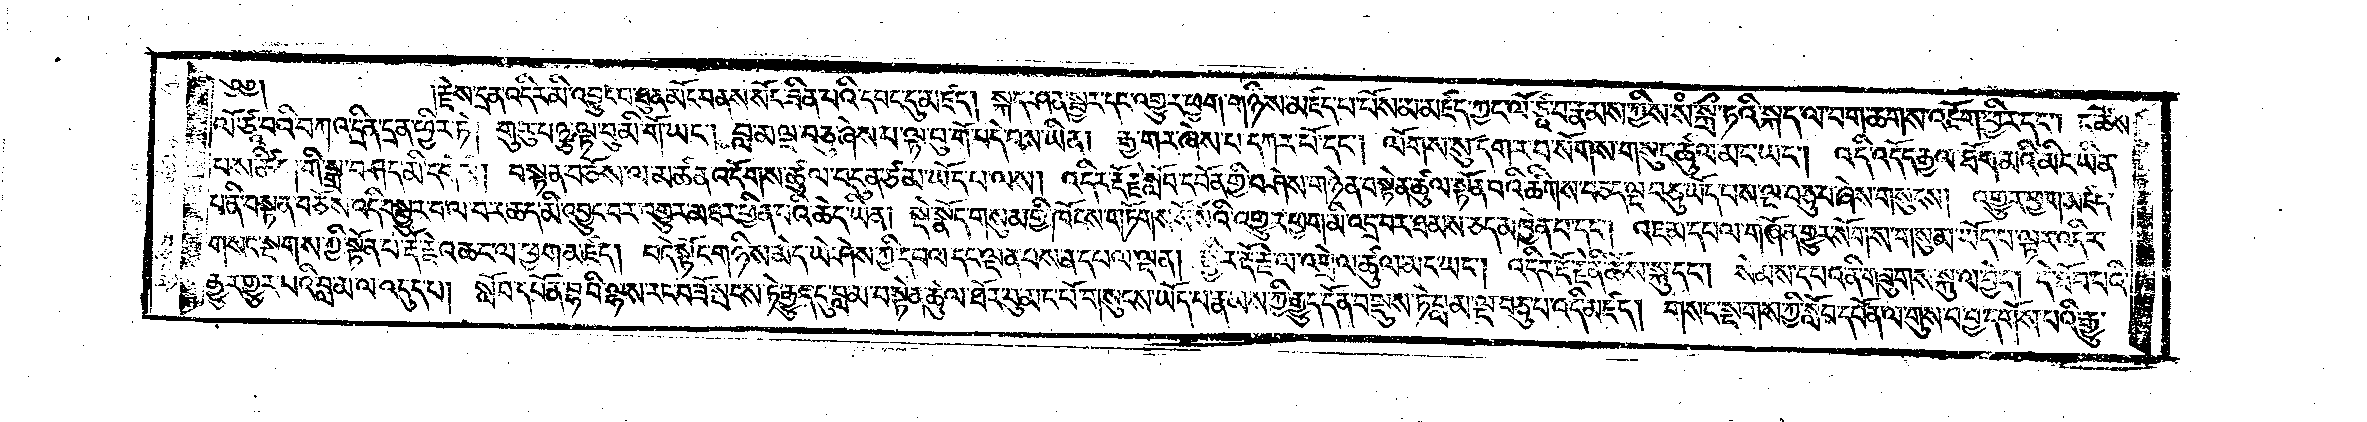༄༅། །རྗེས་དྲན་འདིར་མི་འབྱུང་བ་ཐུན་མོང་བ་ནས་སོང་ཟིན་པའི་དབང་དུ་མཛད། སྐད་ཤན་སྦྱར་དང་འགྱུར་ཕྱག་གཉིས་མཛད་པ་པོས་མ་མཛད་ཀྱང་ལོ་ཙཱ་བ་རྣམས་ཀྱིས་སཾ་སྐྲྀ་ཏའི་སྐད་ལ་བག་ཆགས་འཇོག་ཕྱིར་དང་། ང་ཚོས་
ལོ་ཙཱ་བའི་བཀའ་དྲིན་དྲན་ཕྱིར་ཏེ། གུ་རུ་པཉྩ་ལྟ་བུ་མི་གོ་ཡང་། བླ་མ་ལྔ་བཅུ་ཞེས་པ་ལྟ་བུ་གོ་བདེ་བས་ཡིན། རྒྱ་གར་ཞེས་པ་དཀར་པོ་དང་། ལོགས་སུ་དགར་བ་སོགས་གསུང་ཚུལ་མང་ཡང་། འདི་འདོད་རྒྱལ་ཐོག་མའི་མིང་ཡིན་
པས་ཚིག་གི་སྒྲ་བཤད་མི་དགོས། བསྟན་བཅོས་ལ་མཚན་འདོགས་ཚུལ་བདུན་ཙམ་ཡོད་པ་ལས། འདིར་རྡོ་རྗེ་སློབ་དཔོན་གྱི་བཤེས་གཉེན་བསྟེན་ཚུལ་སྟོན་པའི་ཚིགས་བཅད་ལྔ་བཅུ་ཡོད་པས་ལྔ་བཅུ་པ་ཞེས་གསུངས། འགྱུར་ཕྱག་མཛད་
པ་ནི་བསྟན་བཅོས་འདི་བསྒྱུར་བ་ལ་བར་ཆད་མི་འབྱུང་བར་འགྱུར་མཐར་ཕྱིན་པའི་ཆེད་ཡིན། སྡེ་སྣོད་གསུམ་གྱི་ཁོངས་གཏོགས་སོ་སོའི་འགྱུར་ཕྱག་མི་འདྲ་བར་ཐམས་ཅད་མཁྱེན་པ་དང་། འཇམ་དཔལ་གཞོན་གྱུར་སོགས་གསུམ་ཡོད་པ་ལྟར་འདིར་
གསང་སྔགས་ཀྱི་སྟོན་པ་རྡོ་རྗེ་འཆང་ལ་ཕྱག་མཛོད། བདེ་སྟོང་གཉིས་མེད་ཡེ་ཤེས་ཀྱི་དཔལ་དང་ལྡན་པས་ན་དཔལ་ལྡན། སྤྱིར་རྡོ་རྗེ་ལ་འགྲེལ་ཚུལ་མང་ཡང་། འདིར་རྡོ་རྗེ་ནི་ཆོས་སྐུ་དང་། སེམས་དཔའ་ནི་གཟུགས་སྐུ་ལ་བྱེད། དེ་ཐོབ་པའི་
རྒྱུར་གྱུར་པའི་བླ་མ་ལ་འདུད་པ། སློབ་དཔོན་བྷ་མི་ལྷས་རང་བཟོ་སྤངས་ཏེ་རྒྱུད་དུ་བླ་མ་བསྟེན་ཚུལ་ཐོར་བུ་མང་པོ་གསུངས་ཡོད་པ་རྣམས་གྱི་རྒྱུད་དོན་བསྡུས་ཏེ་བླ་མ་ལྔ་བཅུ་པ་འདི་མཛད། གསང་སྔགས་ཀྱི་སློབ་དཔོན་ལ་གུས་པ་བྱ་དགོས་པའི་ནུ་?་རྒྱུ་